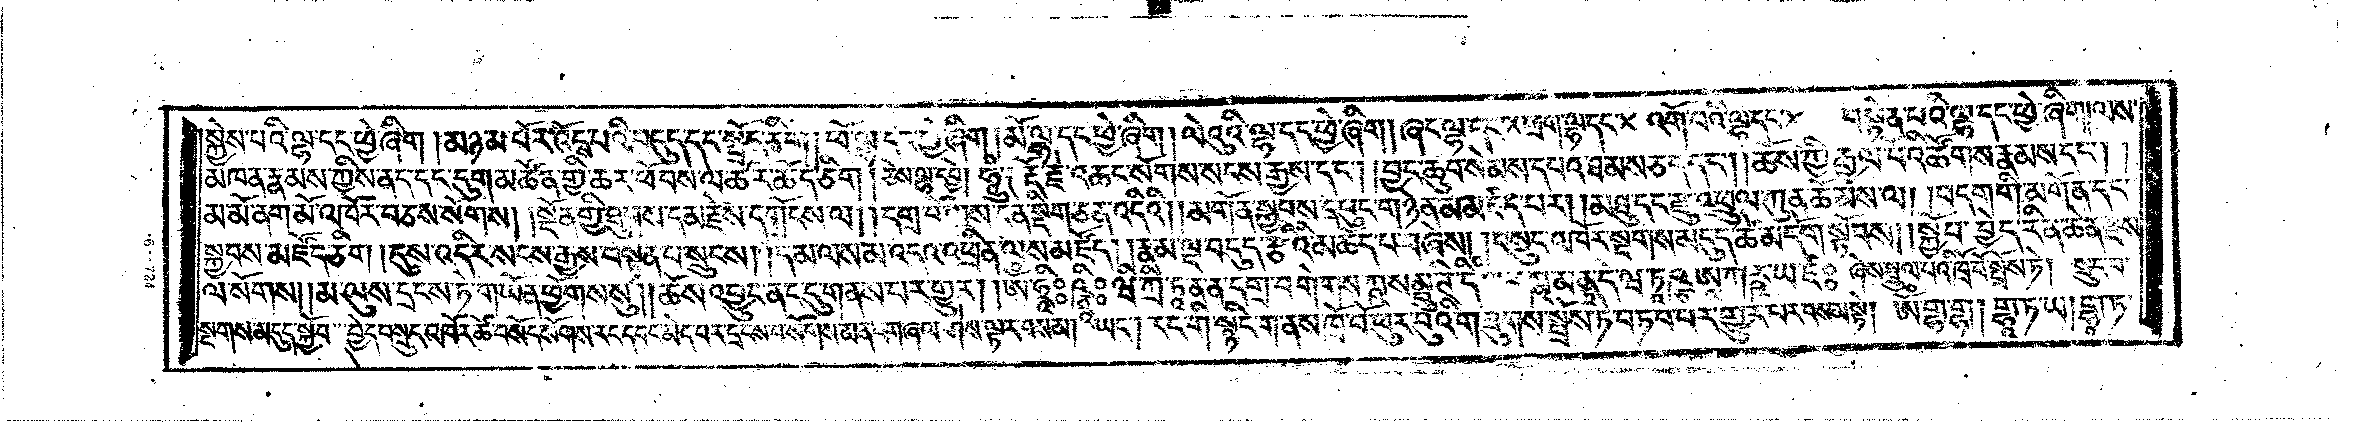སྐྱེས་པའི་ལྷ་དང་ཕྱེ་ཞིག །མཉམ་པོར་འོངས་པའི་བདུད་དང་སྤྲོད་ཅིག །ཕོ་ལྷ་དང་ཕྱེ་ཞིག །མོ་ལྷ་དང་ཕྱེ་ཞིག །ལེའུའི་ལྷ་དང་ཕྱེ་ཞིག །ཞང་ལྷ་྾་ཕྲག་ལྷ་དང་྾་འགོ་བའི་ལྷ་དང་྾་བསྟེན་པའི་ལྷ་དང་ཕྱེ་ཞིག །ལས་
མཁན་རྣམས་ཀྱིས་ནད་དང་དུག་མཚོན་གྱི་ཆར་ཕོ་བས་ལ་ཚར་ཆོད་ཅིག །ཅེས་ལྷ་དབྱེ། ཧཱུཾ༑ རྡོ་རྗེ་འཆང་སོགས་སངས་རྒྱས་དང་། །བྱང་ཆུབ་སེམས་དཔའ་ཐམས་ཅད་དང་། །ཆོས་ཀྱི་རྒྱལ་པོའི་ཚོགས་རྣམས་དང་། །
མ་མོ་ནག་མོ་འཁོར་བཅས་སོགས། །སྔོན་གྱི་ཐུགས་དམ་རྗེས་དགོངས་ལ། །དགྲ་བོ་ལས་ངན་སྡིག་ཅན་འདིའི། །མགོན་སྐྱབས་དཔུང་གཉེན་མ་མཛད་པར། །མཐུ་དང་རྫུ་འཕྲུལ་ཀུན་ཆོམས་ལ། །བདག་གི་མགོན་དང་
སྐྱབས་མཛོད་ཅིག །དུས་འདིར་སངས་རྒྱས་བསྟན་པ་བསྲུངས། །དམ་ལས་མ་འདའ་འཕྲིན་ལས་མཛོད། །རྣམ་ལྔ་བདུད་རྩིའི་མཆོད་པ་བཞེས། །བསྲུང་འཁོར་སྔགས་མདུད་ཚེ་མདོག་སྟོབས། །སྐྱོབ་བྱེད་རིན་ཆེན་རྫས་
ལ་སོགས། །མ་ལུས་དྲངས་ཏེ་གཡོན་ཕྱོགས་སུ། །ཆོས་འབྱུང་ནང་དུ་གནས་པར་གྱུར། །ཨོཾ་ཧྲཱིཿཥྚཱིཿ ཝི་ཀྲི་ཏཱ་ན་ན་དགྲ་བགེགས་ཀྵས་སམྦུ་ཊི་དེ་རཀྵ་མནྟྲ་དེ་ཝ་ཏཱཥྕ་ཨཱ་ཀརྵ་ཡ་ཛཿ ཞེས་སྤྲུལ་པའི་ཁྲོ་བོ་སྤྲོས་ཏེ། སྲུང་བ་
སྔགས་མདུད་སྐྱོབ་བྱེད་བསྲུང་འཁོར་ཚེ་བསོད་སོགས་རང་དབང་མེད་པར་དྲངས་བ་སོགས་མན་ངག་ཞལ་ཤེས་ལྟར་བམ། ཡང་། རང་གི་སྙིང་ག་ནས་ཁྲོ་བོ་ཕུར་བུའི་གཟུགས་སྤྲོས་ཏེ་བཏབ་པར་གྱུར་པར་བསམ་སྟེ། ཨོཾ་གྷ་གྷ། གྷཱ་ཏ་ཡ། གྷཱ་ཏ་